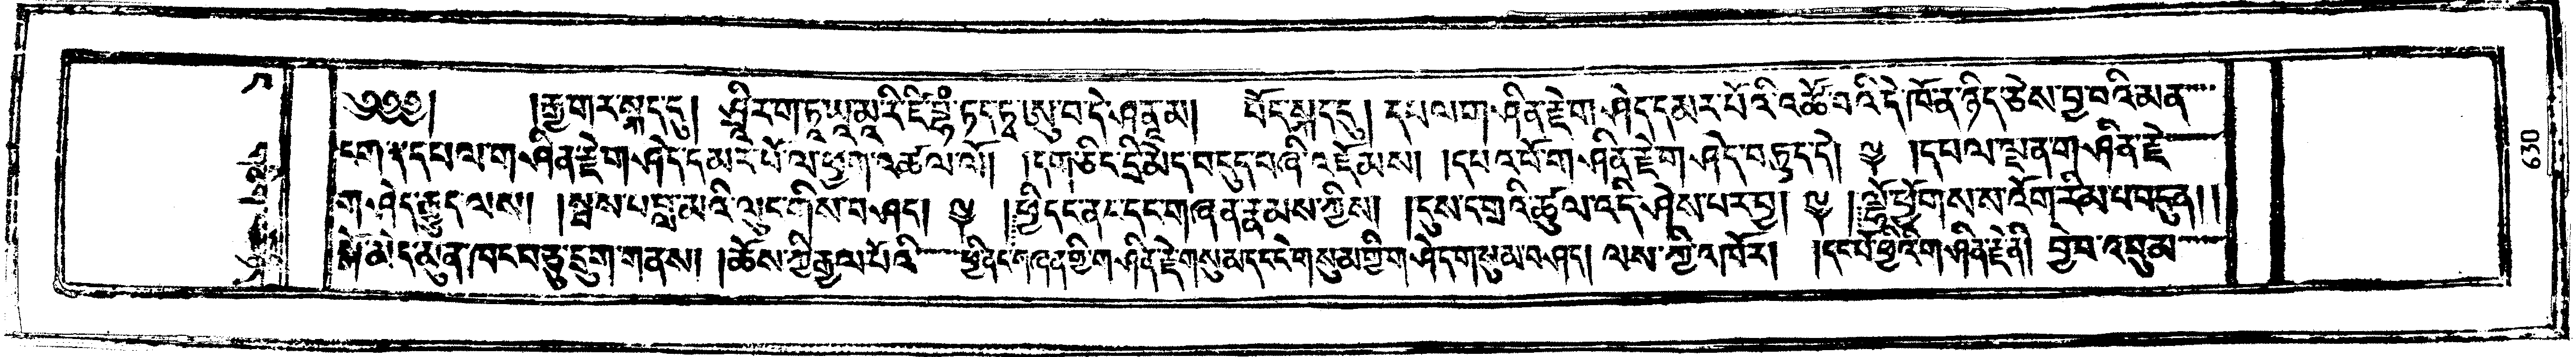༄༅༅། །རྒྱ་གར་སྐད་དུ། ཤྲཱིར་ག་ཏཱ་ཡཱ་མཱ་རི་ཛི་བྷཾ་ཏད་ཏྭ་ཨུ་བ་དེ་ཤ་ནཱ་མ། བོད་སྐད་དུ། དཔལ་གཤིན་རྗེ་གཤེད་དམར་པོའི་འཚོ་བའི་དེ་ཁོ་ན་ཉིད་ཅེས་བྱ་བའི་མན་
ངག༑ དཔལ་གཤིན་རྗེ་གཤེད་མར་པོ་ལ་ཕྱག་འཚལ་ལོ། །དག་ཅིང་དྲི་མེད་བདུད་བཞི་འཇོམས། །དཔའ་བོ་གཤིན་རྗེ་གཤེད་བཏུད་དེ། ༈ །དཔལ་ལྡན་གཤིན་རྗེ་
གཤེད་རྒྱུད་ལས། །སྦས་པ་བླ་མའི་ལུང་གིས་བཤད། ༈ །ཕྱི་དང་ནང་དང་གཞན་རྣམས་ཀྱིས། །དུས་དགྲའི་ཚུལ་འདི་ཤེས་པར་བྱ། ༈ །ལྷོ་ཕྱོགས་ས་འོག་རིམ་པ་བདུན། །
སྒོ་མེད་མུན་ཁང་བཅུ་དྲུག་གནས། །ཆོས་ཀྱི་རྒྱལ་པོའི་ཕྱི་ནང་གཞན་གྱི་གཤིན་རྗེ་གསུམ་དང་དེ་གསུམ་གྱི་གཤེད་གསུམ་བཤད། ལས་ཀྱི་འཁོར། །དང་པོ་ཕྱིའི་གཤིན་རྗེ་ནི། བྱེ་བ་བུ་